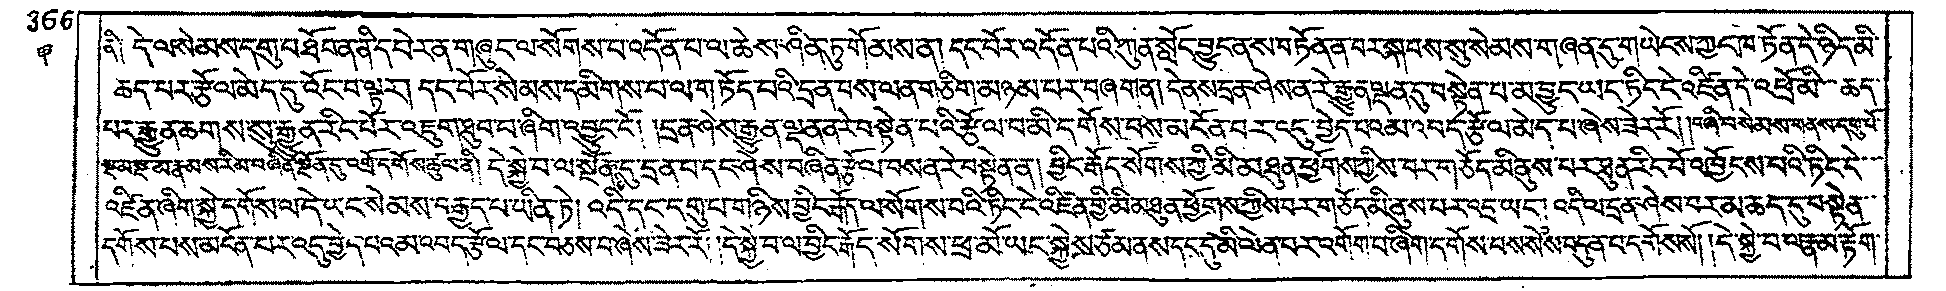ནི༑ དེ་ལ་སེམས་དགུ་པ་ཐོབ་པ་ནི་དཔེར་ན་གཞུང་ལ་སོགས་པ་འདོན་པ་ལ་ཆེས་ཤིན་ཏུ་གོམས་ན། དང་པོར་འདོན་པའི་ཀུན་སློང་བྱུང་ནས་བཏོན་ན་བར་སྐབས་སུ་སེམས་གཞན་དུ་གཡེངས་ཀྱང་ཁ་ཏོན་དེ་ཉིད་མི་
ཆད་པར་རྩོལ་མེད་དུ་འོང་བ་ལྟར། དང་པོར་སེམས་དམིགས་པ་ལ་གཏོད་པའི་དྲན་པས་ལེན་གཅིག་མཉམ་པར་བཞག་ན། དེ་ནས་དྲན་ཤེས་ན་རེ་རྒྱུན་ལྡན་དུ་བསྟེན་པ་མ་བྱུང་ཡང་ཏིང་ངེ་འཛིན་དེ་འཕྲོ་མིཆད་
པར་རྒྱུན་ཆགས་སུ་རྒྱུན་རིང་པོར་འཇུག་ཐུབ་པ་ཞིག་འབྱུང་ངོ། །དྲན་ཤེས་རྒྱུན་ལྡན་ན་རེ་བསྟེན་པའི་རྩོལ་བ་མི་དགོས་པས་མངོན་པར་འདུ་བྱེད་པའམ་འབད་རྩོལ་མེད་པ་ཞེས་ཟེར་རོ། བཞི་པ་སེམས་གནས་དགུ་པོ་
སྔ་མ་སྔ་མ་རྣམས་རིམ་བཞིན་སྔོན་དུ་འགྲོ་དགོས་ཚུལ་ནི། དེ་སྐྱེ་བ་ལ་སྔོན་དུ་དྲན་པ་དང་ཤེས་བཞིན་དུ་རྩོལ་བས་ན་རེ་བསྟེན་ན། བྱིང་རྒོད་སོགས་ཀྱི་མི་མཐུན་ཕྱོགས་ཀྱིས་བར་གཅོད་མི་ནུས་པར་ཐུན་རིང་པོ་འཁྱོངས་པའི་ཏིང་ངེ་
འཛིན་ཞིག་སྐྱེ་དགོས་ལ་དེ་ཡང་སེམས་བརྒྱད་པ་ཡིན་ཏེ། འདི་དང་དགུ་པ་གཉིས་བྱིང་རྒོད་ལ་སོགས་བའི་ཏིང་ངེ་འཛིན་གྱི་མི་མཐུན་ཕྱོགས་ཀྱིས་བར་གཅོད་མི་ནུས་པར་འདྲ་ཡང་། འདི་ལ་དྲན་ཤེས་བར་མ་ཆད་དུ་བསྟེན་
དགོས་པས་མངོན་པར་འདུ་བྱེད་པའམ་འབད་རྩོལ་དང་བཅས་པ་ཞེས་ཟེར་རོ། །དེ་སྐྱེ་བ་ལ་བྱིང་རྒོད་སོགས་ཕྲ་མོ་ཡང་སྐྱེས་ཙམ་ནས་དང་དུ་མི་ལེན་པར་འགོག་པ་ཞིག་དགོས་པས་སེཾས་བདུན་པ་དགོས་སོ། །དེ་སྐྱེ་བ་ལ་རྣམ་རྟོག་